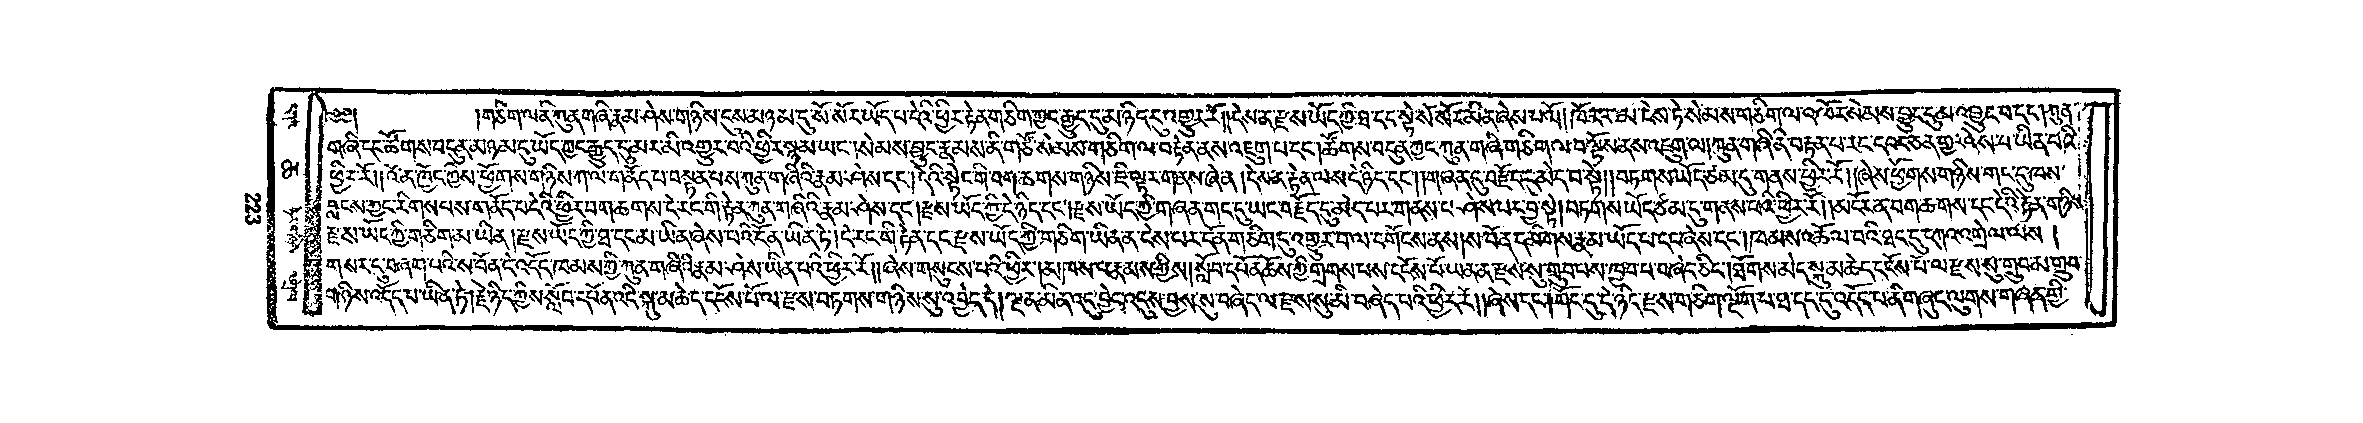༄༅། །གཅིག་ལ་ནི་ཀུན་གཞི་རྣམ་ཤེས་གཉིས་དུས་མཉམ་དུ་སོ་སོར་ཡོད་པ་དེའི་ཕྱིར་རྟེན་གཅིག་ཀྱང་རྒྱུད་དུ་མ་ཉིད་དུ་འགྱུར་རོ། །དེས་ན་རྫས་ཡོད་ཀྱི་ཐ་དད་སྟེ་སོ་སོར་མིན་ཞེས་པའོ། །ཁོ་ནར་མ་ངེས་ཏེ་སེམས་གཅིག་ལ་འཁོར་སེམས་བྱུང་དུ་མ་འབྱུང་བ་དང་། ཀུན་
གཞི་དང་ཚོགས་བདུན་མཉམ་དུ་ཡོད་ཀྱང་རྒྱུད་དུ་མར་མི་འགྱུར་བའི་ཕྱིར་སྙམ་ཡང་། སེམས་བྱུང་རྣམས་ནི་གཙོ་སེམས་གཅིག་ལ་བརྟེན་ནས་འཇུག་པ་དང་། ཚོགས་བདུན་ཀྱང་ཀུན་གཞི་གཅིག་ལ་བལྟོས་ནས་འཇུག་ལ། ཀུན་གཞི་ནི་བརྟན་པ་རང་དབང་ཅན་གྱི་ཤེས་པ་ཡིན་པའི་
ཕྱིར་རོ། །འོ་ན་ཁྱོད་ཀྱིས་ཕྱོགས་གཉིས་ཀ་ལ་གནོད་པ་བསྟན་པས་ཀུན་གཞིའི་རྣམ་ཤེས་དང་། དེའི་སྟེང་གི་བག་ཆགས་གཉིས་ཇི་ལྟར་གནས་ཞེ་ན། དེས་ན་རྟེན་ལས་དེ་ཉིད་དང་། །གཞན་དུ་བརྗོད་དུ་མེད་པ་སྟེ། །བཏགས་ཡོད་ཙམ་དུ་གནས་ཕྱིར་རོ། །ཞེས་ཕྱོགས་གཉིས་གང་དུ་ཁས་
བླངས་ཀྱང་རིགས་པས་གནོད་པ་དེའི་ཕྱིར་བག་ཆགས་དེ་རང་གི་རྟེན་ཀུན་གཞིའི་རྣམ་ཤེས་དང་། རྫས་ཡོད་ཀྱི་དེ་ཉིད་དང་། རྫས་ཡོད་ཀྱི་གཞན་གང་དུ་ཡང་བརྗོད་དུ་མེད་པར་གནས་པ་ཤེས་པར་བྱ་སྟེ། བཏགས་ཡོད་ཙམ་དུ་གནས་པའི་ཕྱིར་རོ། །མདོར་ན་བག་ཆགས་དང་དེའི་རྟེན་གཉིས་
རྫས་ཡོད་ཀྱི་གཅིག་མ་ཡིན། རྫས་ཡོད་ཀྱི་ཐ་དང་མ་ཡིན་ཞེས་པའི་དོན་ཡིན་ཏེ། དེ་རང་གི་རྟེན་དང་རྫས་ཡོད་ཀྱི་གཅིག་ཡིན་ན་ངེས་པར་དོན་གཅིག་དུ་འགྱུར་བ་ལ་དགོངས་ནས། ས་བོན་དམིགས་རྣམ་ཡོད་པ་དང་ཞེས་དང་། ཁམས་འཆོལ་བའི་ཐད་དུ་དཀའ་འགྲེལ་ལས།
གསར་དུ་བཞག་པའི་ས་བོན་དེ་འདོད་ཁམས་ཀྱི་ཀུན་གཞིའི་རྣམ་ཤེས་ཡིན་པའི་ཕྱིར་རོ། །ཞེས་གསུངས་པའི་ཕྱིར། མཁས་པ་རྣམས་ཀྱིས། སློབ་དཔོན་ཆོས་ཀྱི་གྲགས་པས་དངོས་པོ་ཡན་ན་རྫས་སུ་གྲུབ་པས་ཁྱབ་པ་བཞེད་ཅིང་། ཐོགས་མེད་སྐུ་མཆེད་དངོས་པོ་ལ་རྫས་སུ་གྲུབ་མ་གྲུབ་
གཉིས་འདོད་པ་ཡིན་ཏེ། རྗེ་ཉིད་ཀྱིས་སློབ་དཔོན་འདི་སྐུ་མཆེད་དངོས་པོ་ལ་རྫས་བཏགས་གཉིས་སུ་འབྱེད་དེ། ལྡན་མིན་འདུ་བྱེད་འདུས་བྱས་སུ་བཞེད་ལ་རྫས་སུ་མི་བཞེད་པའི་ཕྱིར་རོ། །ཞེས་དང་། གོང་དུ་དེ་ཉིད་རྫས་གཅིག་ལྡོག་པ་ཐ་དད་དུ་འདོད་པ་ནི་གཞུང་ལུགས་གཞན་གྱི་